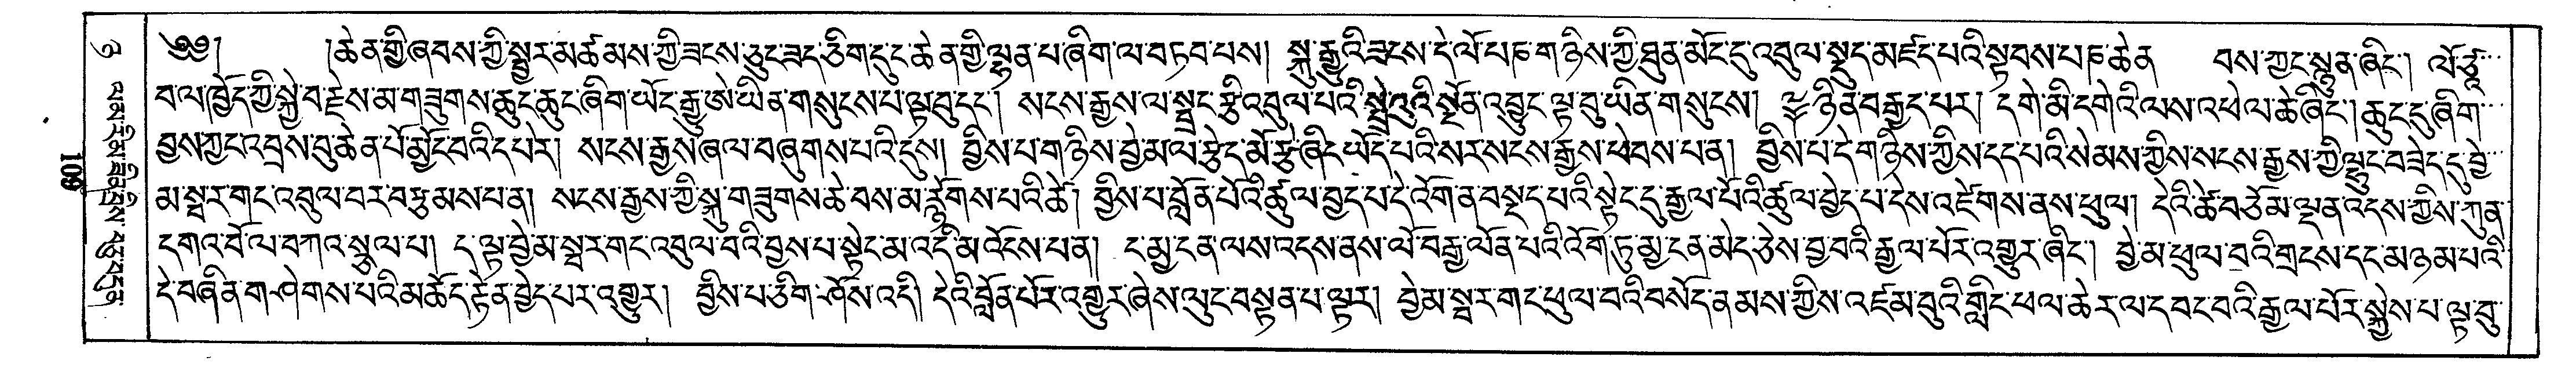༄༅། །ཆེན་གྱི་ཞབས་ཀྱི་སྦྱར་མཚམས་ཀྱི་ཟངས་ཅུང་ཟད་ཅིག་དུང་ཆེན་གྱི་ལྷན་པ་ཞིག་ལ་བཏབ་པས། སྐུ་རྒྱུའི་ཟངས་དེ་ལོ་པཎ་གཉིས་ཀྱི་ཐུན་མོང་དུ་འབུལ་སྡུད་མཛད་པའི་སྟབས་པཎ་ཆེན་གྱི་ཞབས་ཀྱང་སྙུན་ཞིང་། ལོ་ཙཱ་
བ་ལ་ཁྱོད་ཀྱི་སྐྱེ་བ་རྗེས་མ་གཟུགས་ཆུང་ཆུང་ཞིག་ཡོང་རྒྱུ་ཨེ་ཡིན་གསུངས་པ་ལྟ་བུ་དང་། སངས་རྒྱས་ལ་སྦྲང་རྩི་འབུལ་བའི་སྤྲེའུའི་སྔོན་འབྱུང་ལྟ་བུ་ཡིན་གསུངས། ༈ ཉིན་བརྒྱད་པར། དགེ་མི་དགེའི་ལས་འཕེལ་ཆེ་ཞིང་། ཆུང་ངུ་ཞིག་
བྱས་ཀྱང་འབྲས་བུ་ཆེན་པོ་མྱོང་བའི་དཔེར། སངས་རྒྱས་ཞལ་བཞུགས་པའི་དུས། བྱིས་པ་གཉིས་བྱེ་མ་ལ་རྩེད་མོ་རྩེ་ཞིང་ཡོད་པའི་སར་སངས་རྒྱས་ཕེབས་པ་ན། བྱིས་པ་དེ་གཉིས་ཀྱིས་དད་པའི་སེམས་ཀྱིས་སངས་རྒྱས་ཀྱི་ལྷུང་བཟེད་དུ་བྱེ་
མ་སྦར་གང་འབུལ་བར་བརྩམས་པ་ན། སངས་རྒྱས་ཀྱི་སྐུ་གཟུགས་ཆེ་བས་མ་རྙོགས་པའི་ཚེ། བྱིས་པ་བློན་པོའི་ཚུལ་བྱེད་པ་དེ་འོག་ན་བསྡད་པའི་སྟེང་དུ་རྒྱལ་པོའི་ཚུལ་བྱེད་པ་དེས་འཛེགས་ནས་ཕུལ། དེའི་ཚེ་བཅོམ་ལྡན་འདས་ཀྱིས་ཀུན་
དགའ་བོ་ལ་བཀའ་སྩལ་པ། ད་ལྟ་བྱེ་མ་སྦར་གང་འབུལ་བའི་བྱིས་པ་སྟེང་མ་འདི་མ་འོངས་པ་ན། ང་མྱ་ངན་ལས་འདས་ནས་ལོ་བརྒྱ་ལོན་པའི་འོག་ཏུ་མྱ་ངན་མེད་ཅེས་བྱ་བའི་རྒྱལ་པོར་འགྱུར་ཞིང་། བྱེ་མ་ཕུལ་བའི་གྲངས་དང་མཉམ་པའི་
དེ་བཞིན་གཤེགས་པའི་མཆོད་རྟེན་བྱེད་པར་འགྱུར། བྱིས་པ་ཅིག་ཤོས་འདི། དེའི་བློན་པོར་འགྱུར་ཞེས་ལུང་བསྟན་པ་ལྟར། བྱེ་མ་སྦར་གང་ཕུལ་བའི་བསོད་ནམས་ཀྱིས་འཛམ་བུའི་གླིང་ཕལ་ཆེར་ལ་དབང་བའི་རྒྱལ་པོར་སྐྱེས་པ་ལྟ་བུ་